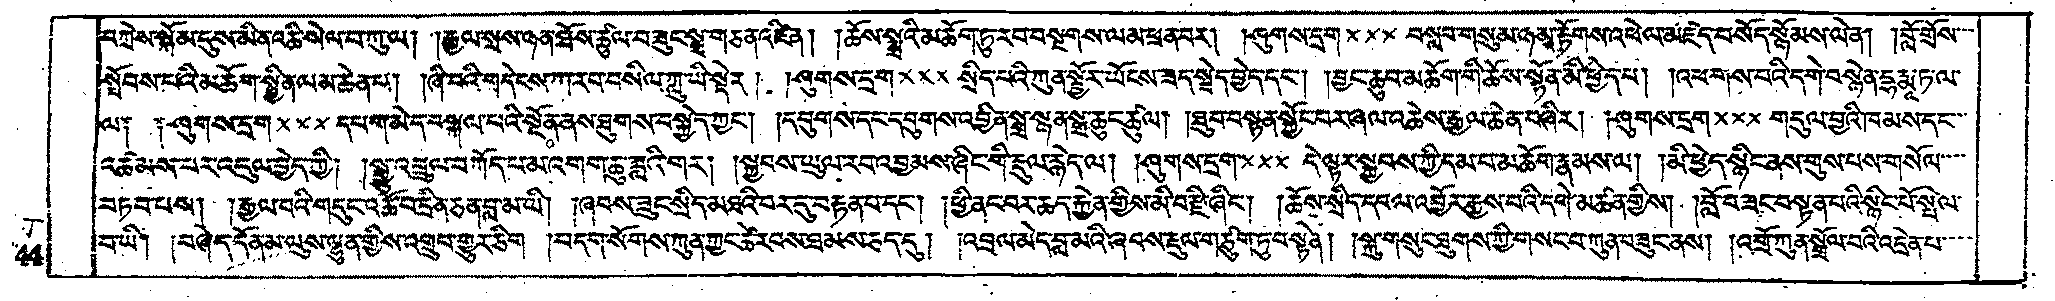བཀྲེས་སྐོམ་དུས་མིན་འཆི་སེལ་བ་ཀུ་ལ། །རྒྱལ་སྲས་ཉན་ཐོས་ཚུལ་བཟུང་སྒྲ་གཅན་འཛིན། །ཆོས་སྨྲའི་མཆོག་ཏུ་རབ་བསྔགས་ལམ་ཕྲན་བར། །ཤུགས་དྲག་྾་྾་྾་བསླབ་གསུམ་ཉམས་རྟོགས་འཕེལ་མཛད་བསོད་སྙོམས་ལེན། །བློ་གྲོས་་་
སྤོབས་པའི་མཆོག་སྦྱིན་ལམ་ཆེན་པ། །ཞི་བའི་གདེངས་ཀ་རབ་བསིལ་ཀླུ་ཡི་སྡེར། །ཤུགས་དྲག་྾་྾་྾་སྲིད་པའི་ཀུན་སྦྱོར་ཡོངས་ཟད་སྦེད་བྱེད་དང་། །བྱང་ཆུབ་མཆོག་གི་ཆོས་སྟོན་མི་ཕྱེད་པ། །འཕགས་པའི་དགེ་བསྙེན་དྷརྨཱ་ཏ་ལ་
ལ༑ ༑ཤུགས་དྲག་྾་྾་྾་དཔག་མེད་བསྐལ་པའི་སྔོན་ནས་ཐུགས་བསྐྱེད་ཀྱང་། །དབུགས་དང་དབུགས་འབྱིན་སྒྲ་སྙན་སྒྲ་ཆུང་ཚུལ། །ཐུབ་བསྟན་སྐྱོང་བར་ཞལ་འཆེས་རྒྱལ་ཆེན་བཞིར། །ཤུགས་དྲག་྾་྾་྾་གདུལ་བྱའི་ཁམས་དང་
འཚམས་པར་འདུལ་བྱེད་ཀྱི། །སྒྱུ་འཕྲུལ་བཀོད་པ་མ་འགག་ཆུ་ཟླའི་གར། །སྐྱབས་ཡུལ་རབ་འབྱམས་ཞིག་གི་རྡུལ་རྙེད་ལ། །ཤུགས་དྲག་྾་྾་྾་དེ་ལྟར་སྐྱབས་ཀྱི་དམ་པ་མཆོག་རྣམས་ལ། །མི་ཕྱེད་སྙིང་ནས་གུས་པས་གསོལ་་་
བཏབ་པས། །རྒྱལ་བའི་གདུང་འཚོ་བ་དྲིན་ཅན་བླ་མ་ཡི། །ཞབས་ཟུང་སྲིད་མཐའི་བར་དུ་བརྟན་པ་དང་། །ཕྱི་ནང་བར་ཆད་རྐྱེན་གྱིས་མི་བརྫི་ཞིང་། །ཆོས་སྲིད་དཔལ་འབྱོར་རྒྱས་པའི་དགེ་མཚན་གྱིས། །བློ་བཟང་བསྟན་པའི་སྙིང་པོ་སྤེལ་
བ་ཡི། །བཞེད་དོན་མ་ལུས་ལྷུན་གྱིས་འགྲུབ་གྱུར་ཅིག །བདག་སོགས་ཀུན་ཀྱང་ཚེ་རབས་ཐམས་ཅད་དུ། །འབྲལ་མེད་བླ་མའི་ཞབས་རྡུལ་གཙུག་ཏུ་བསྟེན། །སྐུ་གསུང་ཐུགས་ཀྱི་གསང་བ་ཀུན་བཟུང་ནས། །འགྲོ་ཀུན་སྒྲོལ་བའི་འདྲེན་པ་་་